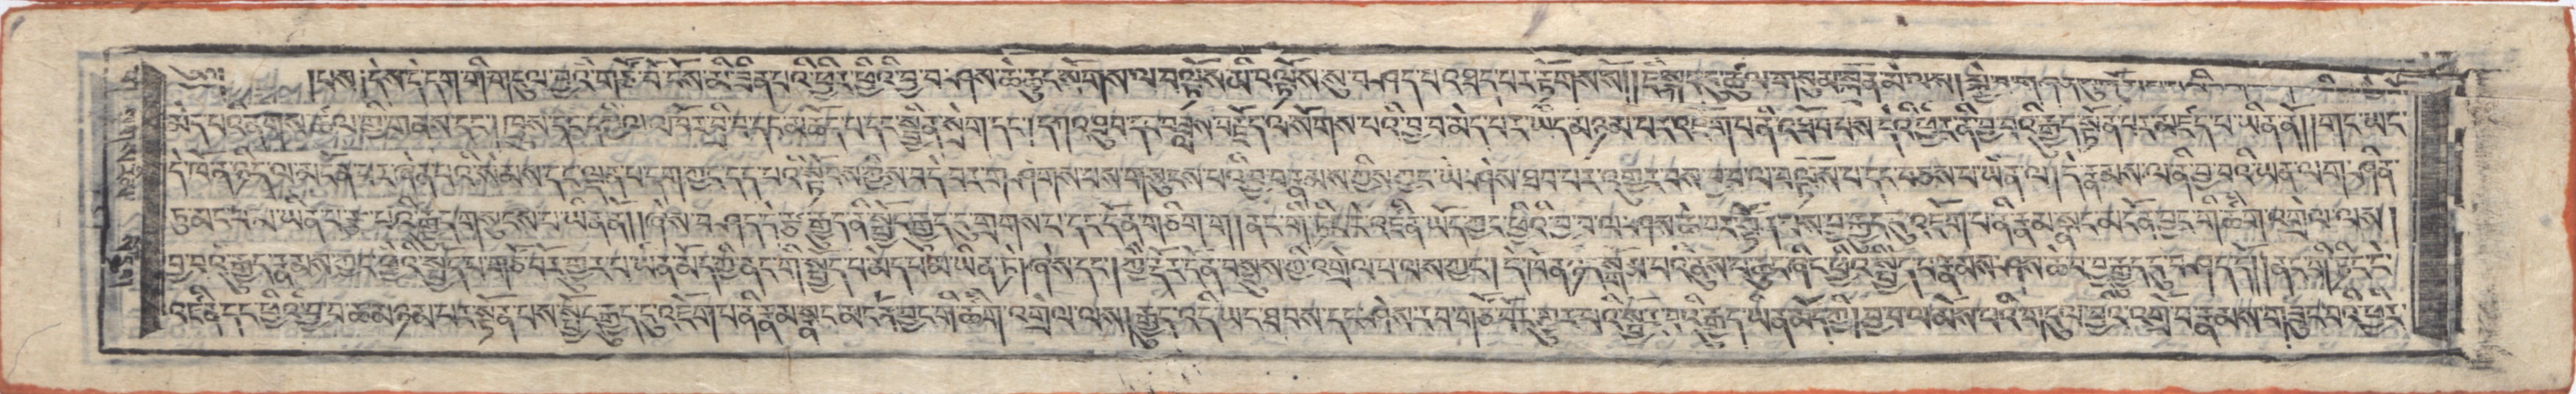༄༅། །པས་༑དེས་དེ་དག་གི་གདུལ་བྱའི་གཙོ་བོ་ངོས་མི་ཟིན་པའི་ཕྱིར་ཕྱིའི་བྱ་བ་ཤས་ཆེ་ཆུང་སོགས་ལ་བལྟོས་མི་བལྟོས་སུ་བཤད་པ་འཐད་པར་རྟོགས་སོ། །ཇི་སྐད་དུ་ཚུལ་གསུམ་སྐྲོན་མེ་ལས། སྐྱེ་བ་གཞན་དུ་གོམས་པའི་བག་ཆགས་ཀྱིས་སྐྱེ་བོ་
མེད་པའི་ནགས་ཚལ་གྱི་གནས་དང་། ཁྲུས་དར་དཀྱིལ་འཁོར་བྲི་བ་དང་མཆོད་པ་དང་སྦྱིན་སྲེག་དང་། དཀའ་ཐུབ་དང་བཟླས་བརྗོད་ལ་སོགས་པའི་བྱ་བ་མེད་པར་ཡིད་མཉམ་པར་འཇོག་པ་ནི་འཐོབ་པས་དེའི་ཕྱིར་ནི་བྱ་བའི་རྒྱུད་སྟོན་པར་མཛད་པ་ཡིན་ནོ། །གང་ཡང་
དེ་ཁོ་ན་ཉིད་ལ་མངོན་པར་ཞེན་པའི་སེམས་དང་ལྡན་པ་དག་ཀྱང་དད་པའི་སྟོབས་ཀྱིས་བདེ་བར་གཤེགས་པས་གསུངས་པའི་བྱ་བ་རྣམས་ཀྱིས་ཀྱང་ཡེ་ཤེས་ཐོབ་པར་འགྱུར་བས་བྱ་བ་ལ་བལྟོས་པ་དང་བཅས་པ་ཡིན་ལ། དེ་རྣམས་ལ་ནི་བྱ་བའི་ཡན་ལག་ཤིན་
ཏུ་མང་པོ་མ་ཡིན་པ་རྩ་བའི་རྒྱུད་གསུངས་པ་ཡིན་ནོ། །ཞེས་བཤད་དེ་རྩ་རྒྱུད་ནི་སྤྱོད་རྒྱུད་དུ་གྲགས་པ་དང་དོན་གཅིག་ག །ནང་གི་ཏིང་ངེ་འཛིན་ཡོད་ཀྱང་ཕྱིའི་བྱ་བ་ལ་ཤས་ཆེ་བར་སྟོན་པས་བྱ་རྒྱུད་དུ་འཇིག་པ་ནི་རྣམ་སྣང་མངོན་བྱང་གི་ཚིག་འགྲེལ་ལས།
བྱ་བའི་རྒྱུད་རྣམས་ཀྱང་ཕྱིའི་སྤྱོད་པ་གཙོ་བོར་གྱུར་པ་ཡིན་མོད་ཀྱི་ནང་གི་སྤྱོད་པ་མེད་པ་མ་ཡིན་ཏེ། ཞེས་དང་། ཀྱཻ་རྡོར་དོན་བསྡུས་ཀྱི་འགྲེལ་པ་ལས་ཀྱང་། དེ་ཁོ་ན་ཉིད་སྒོམ་པའི་ནུས་པ་ཆུང་ཞིང་ཕྱིའི་སྤྱོད་པ་རྣམས་ཤས་ཆེ་བ་བྱ་རྒྱུད་དུ་བཤད་དོ། །ནང་གི་ཏིང་ངེ་
འཛིན་དང་ཕྱིའི་བྱ་བ་ཆ་མཉམ་པར་སྟོན་པས་སྤྱོད་རྒྱུད་དུ་འཇོག་པ་ནི་རྣམ་སྣང་མངོན་བྱང་གི་ཚིག་འགྲེལ་ལས། རྒྱུད་འདི་ཡང་ཐབས་དང་ཤེས་རབ་གཙོ་བོར་གྱུར་པའི་སྦྱོར་བའི་རྒྱུད་ཡིན་མོད་ཀྱི། བྱ་བ་ལ་མོས་པའི་གདུལ་བྱའི་འགྲོ་བ་རྣམས་གཟུང་བའི་ཕྱིར་